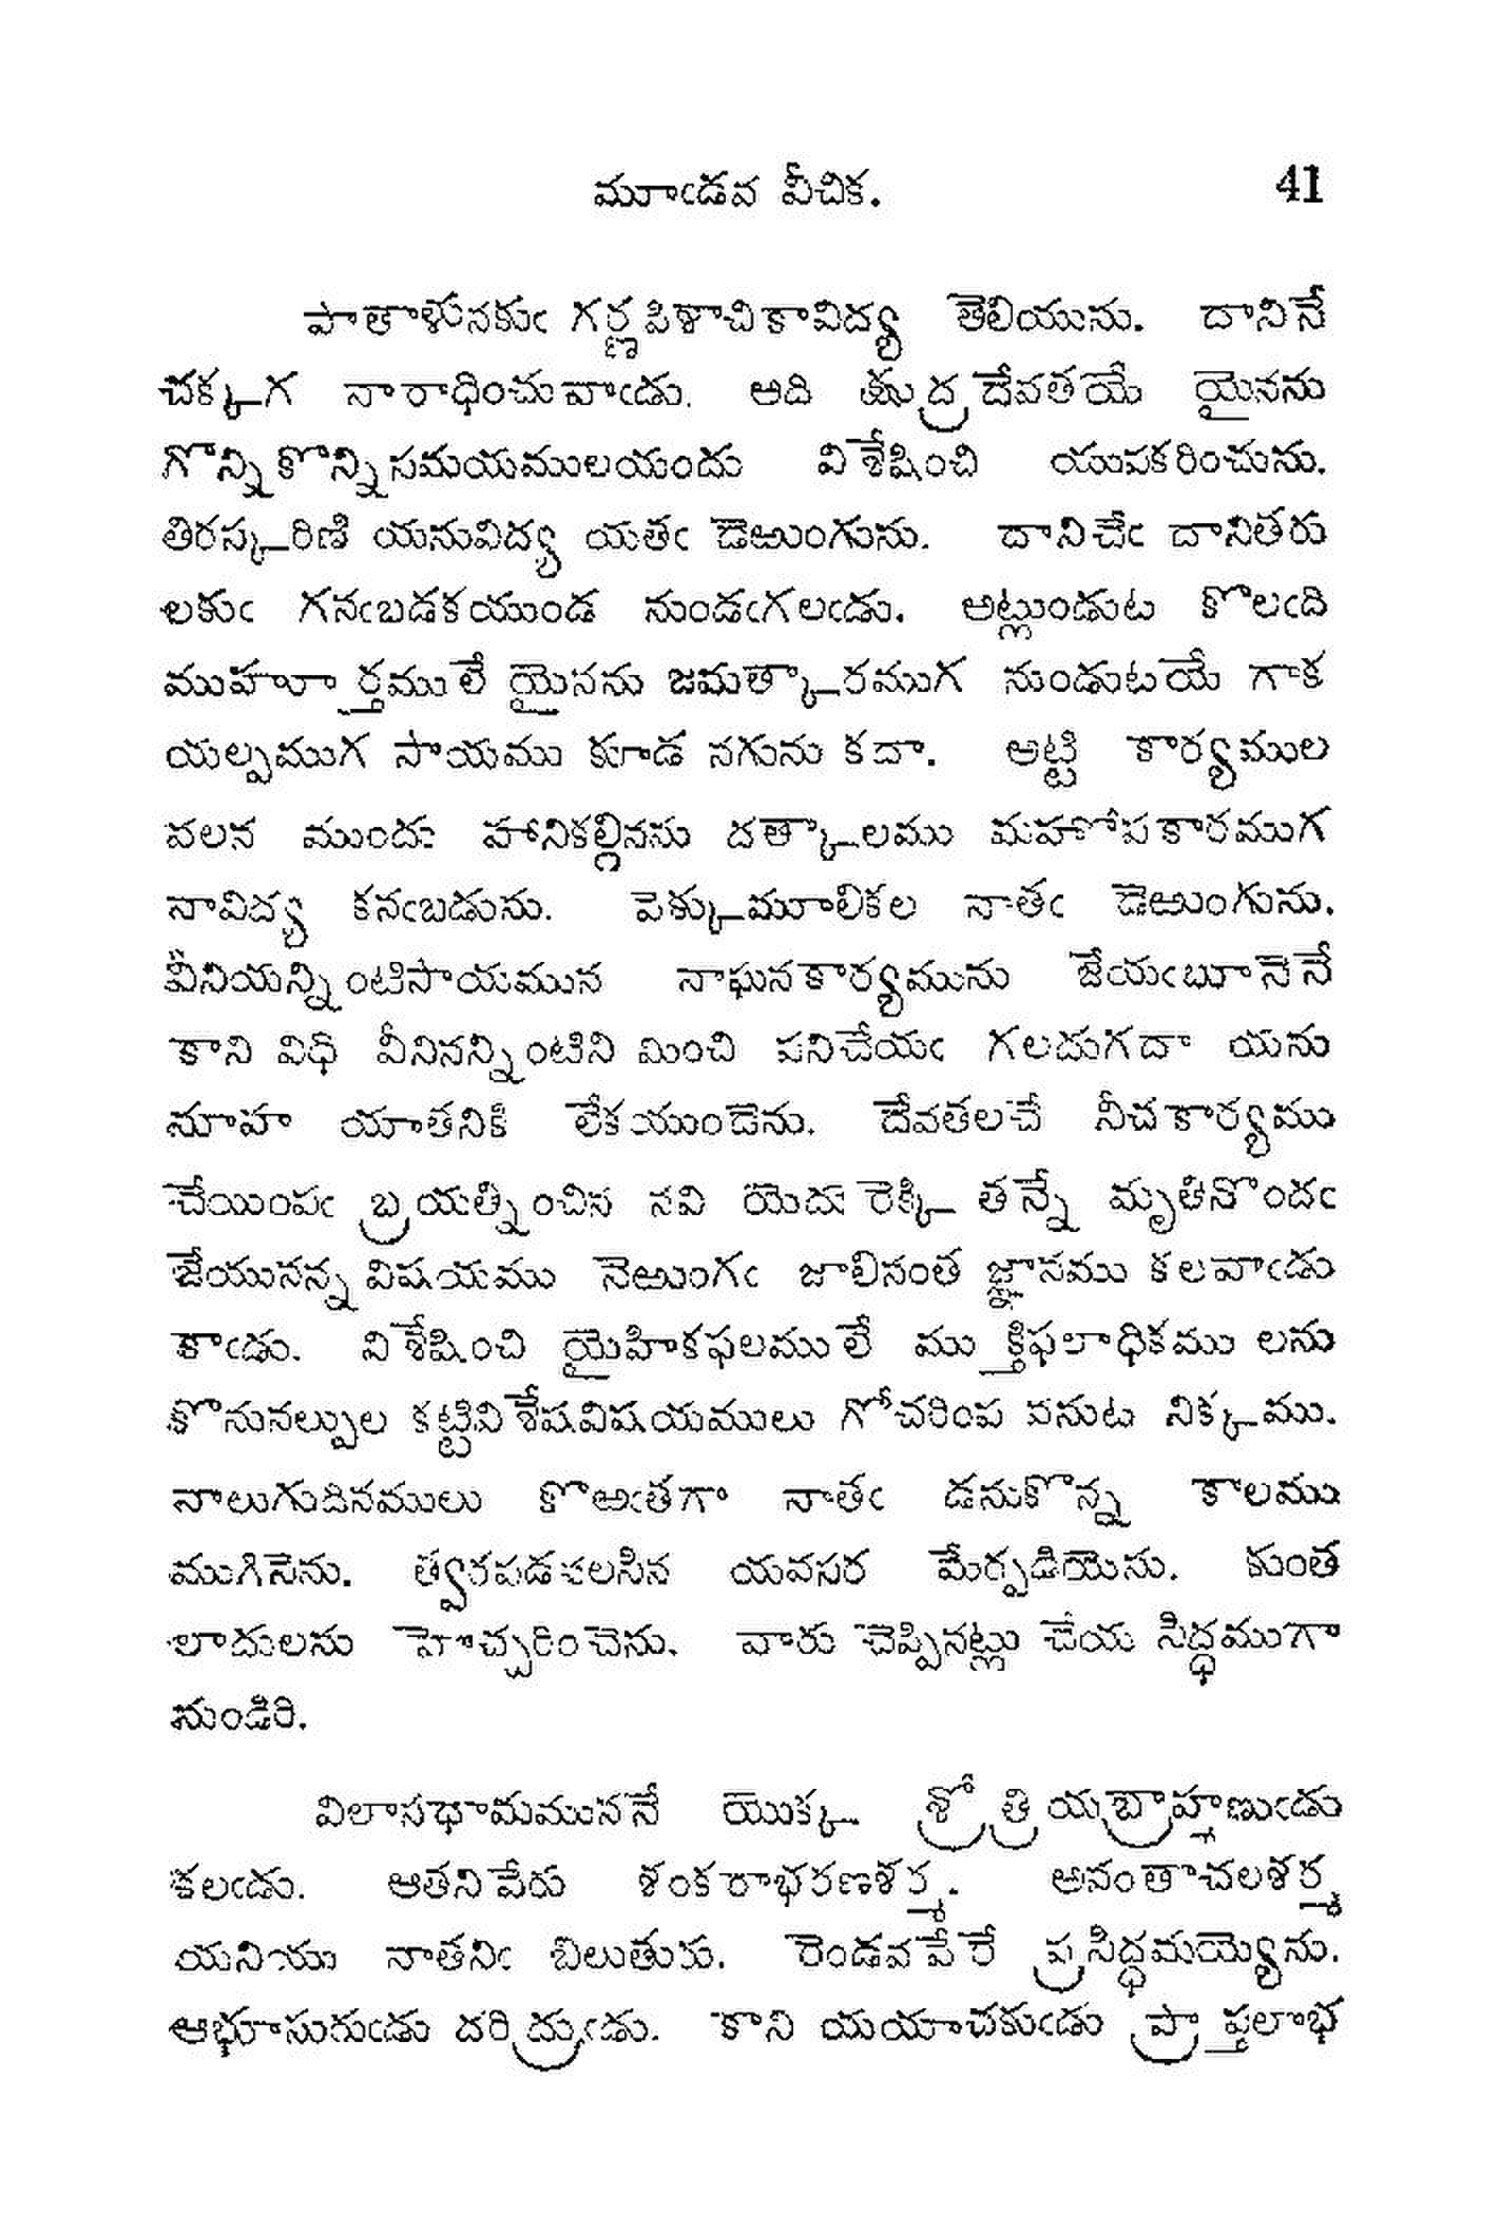పాతాళునకుఁ గర్ణపిశాచికావిద్య తెలియును. దానినే చక్కగ నారాధించు వాడు. అది క్షుద్ర దేవతయే యైనను కొన్ని కొన్ని సమయములయందు విశేషించి యుపకరించును. తిరస్కరిణి యనువిద్య యతఁ డెఱుంగును. దానిచేఁ దానితరులకుఁ గనఁబడకయుండ నుండఁగలడు. అట్లుండుట కొలఁది ముహూర్తము లే యైనను జమత్కారముగ నుండుటయే గాక యల్పముగ సాయము కూడ నగును కదా. అట్టి కార్యముల వలన ముందు హానికల్గినను దత్కాలము మహోపకారముగ నావిద్య కనఁబడును. పెక్కుమూలికల నాతఁ డెఱుంగును, వీనియన్నింటిసాయమున నాఘన కార్యమును జేయఁబూనెనే కాని విధి వీనినన్నింటినీ మించి పనిచేయఁ గలదుగదా యను నూహ యాతనికి లేక యుండెను. దేవతలచే నీచ కార్యము చేయింపఁ బ్రయత్నించిన నవి యెదురెక్కి తన్నే మృతినొందఁ జేయునన్న విషయము నెఱుంగఁ జాలినంత జ్ఞానము కలవాఁడు కాఁడు. విశేషించి యైహికఫలములే ముక్తిఫలాధికము లను కొనునల్పుల కట్టివిశేషవిషయములు గోచరింప వనుట నిక్కము. నాలుగు దినములు కొఱఁతగా నాతఁ డనుకొన్న కాలము ముగిసెను. త్వరపడ వలసిన యవసర మేర్పడియెను. కుంతలాదులను హెచ్చరించెను. వారు చెప్పినట్లు చేయ సిద్ధముగా నుండిరి.

విలాసధామముననే యొక్క శ్రోత్రియ బ్రాహణుఁడు కలఁడు. అతని పేరు శంకరాభరణశర్మ. అనంతాచలశర్మ యనియు నాతనిఁ బిలుతురు . రెండవ పేరే ప్రసిద్ధమయ్యెను. ఆభూసురుఁడు దరిద్రుడు. కాని యయాచకుఁడు ప్రాప్తలాభ